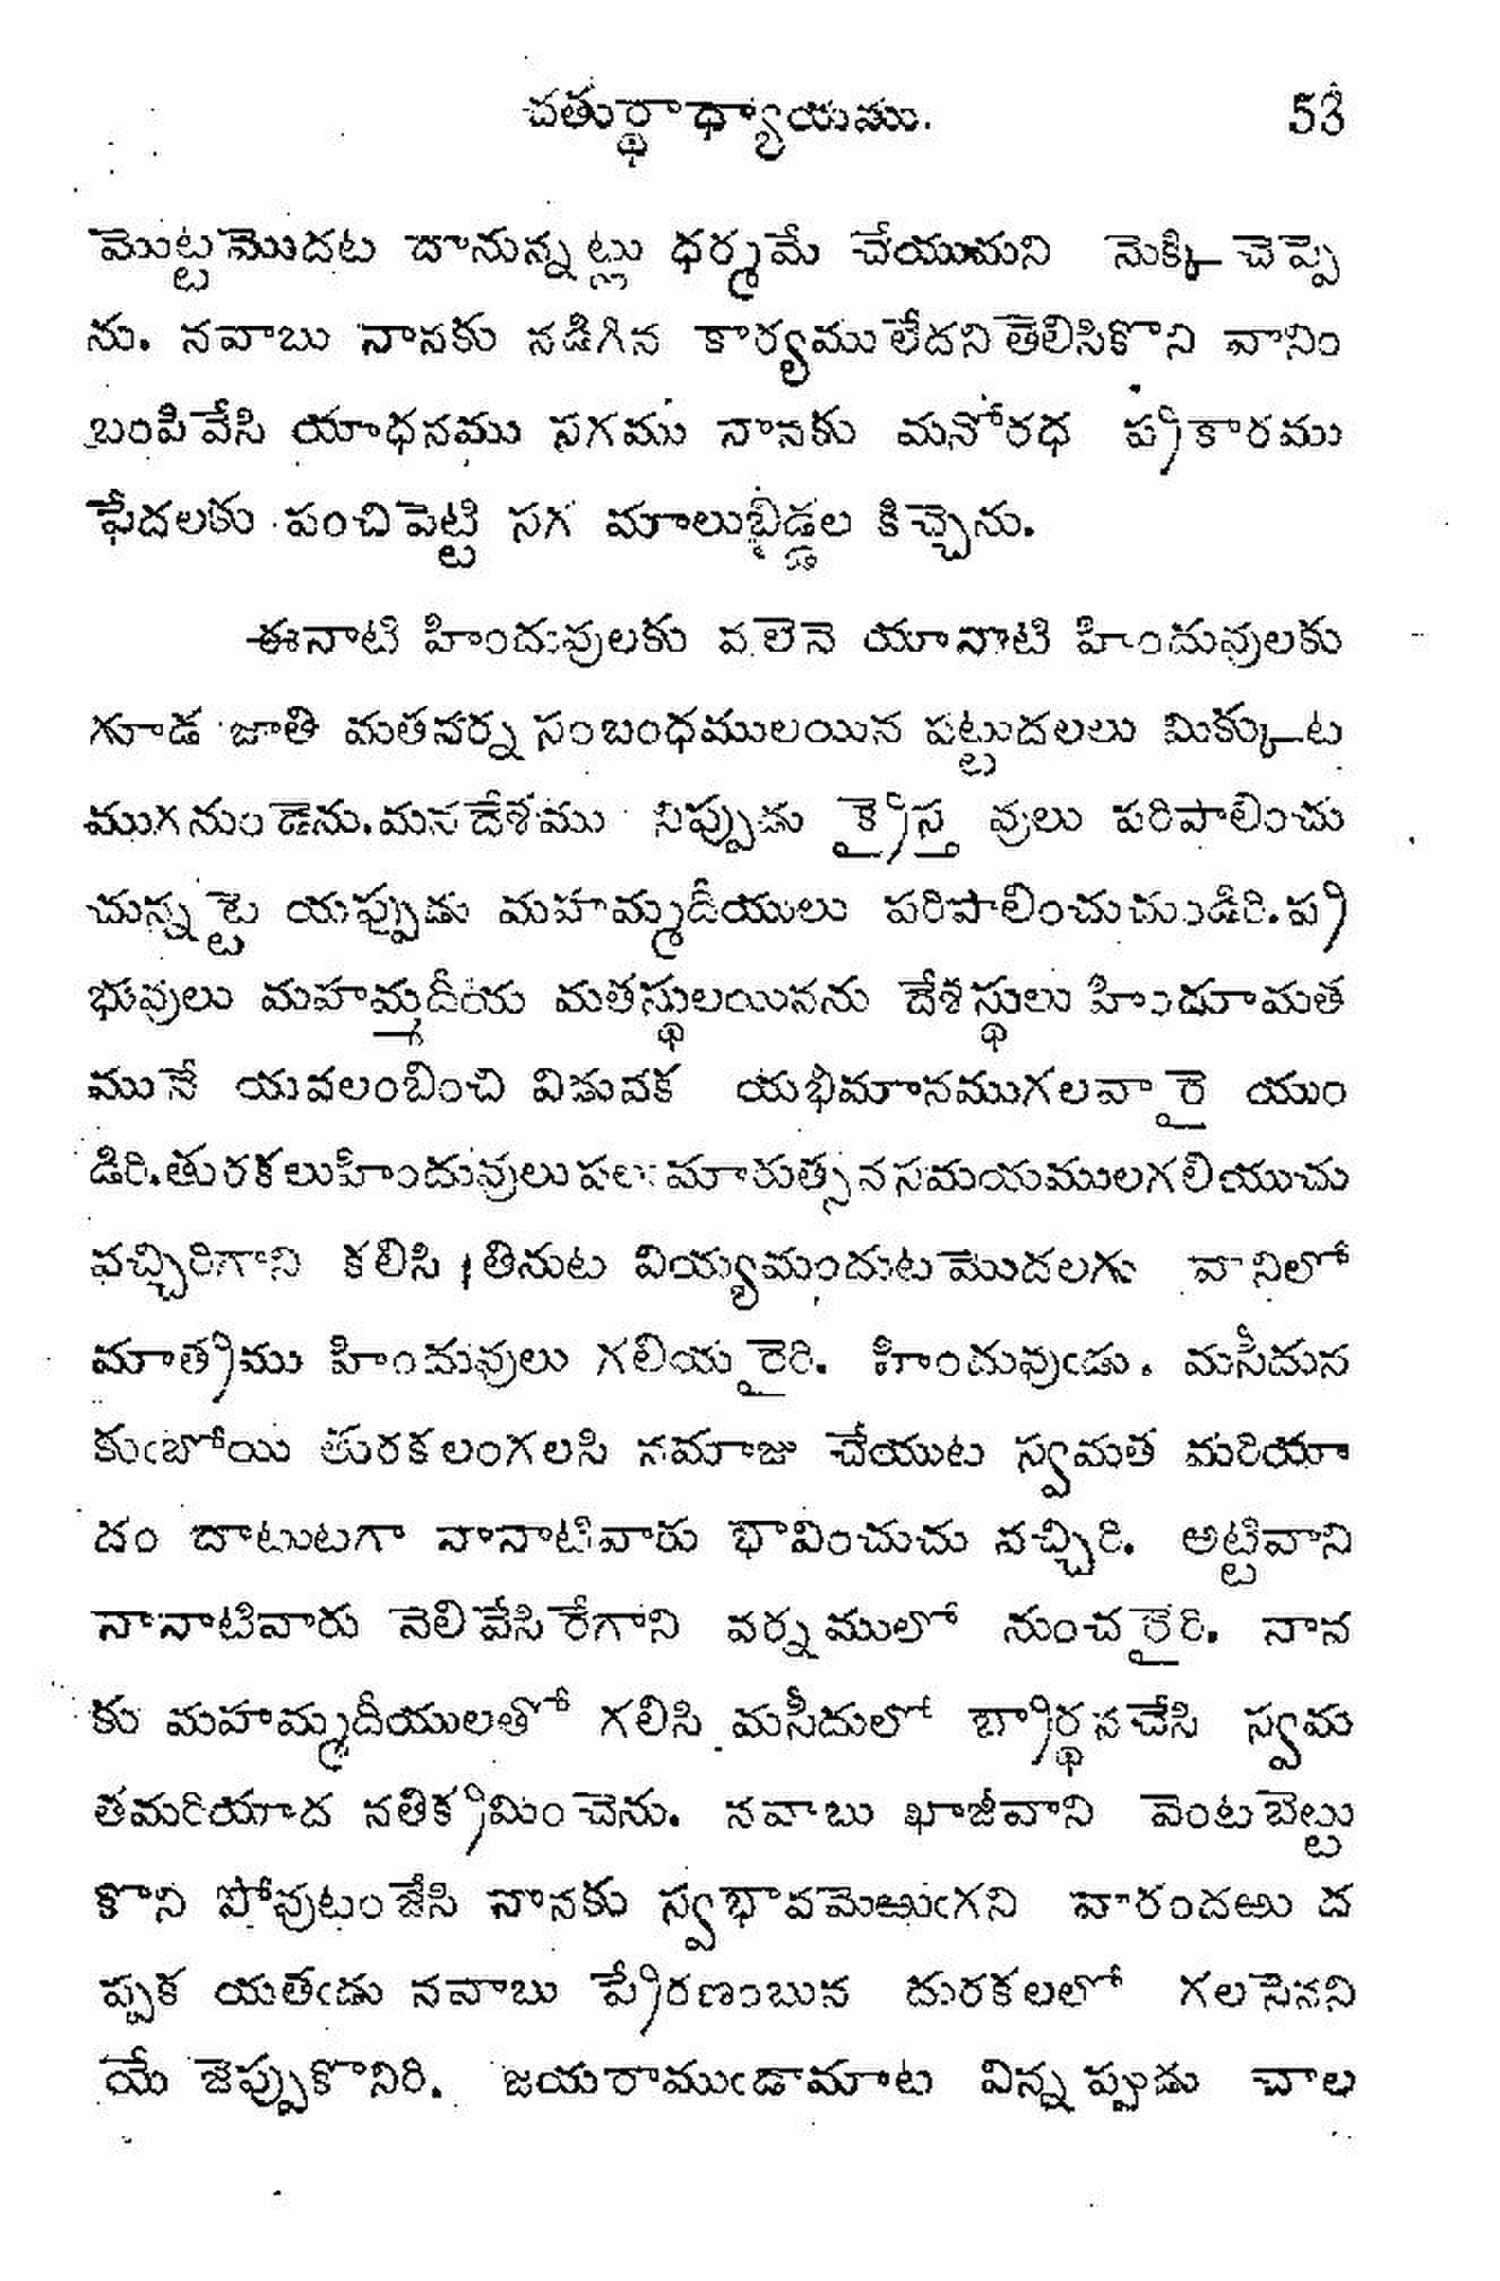మొట్టమొదట దానున్నట్లు ధర్మమే చేయుమని నొక్కిచెప్పెను. నవాబు నానకు నడిగిన కార్యములేదని తెలిసికొని వానిం బంపివేసి యాధనము సగము నానకు మనోరధ ప్రకారము పేదలకు పంచిపెట్టి సగ మాలుబిడ్డల కిచ్చెను.

ఈనాటి హిందువులకు వలెనె యానాటి హిందువులకు గూడ జాతి మతవర్నసంబంధములయిన పట్టుదలలు మిక్కుటముగనుండెను. మనదేశము నిప్పుడు క్రైస్తవులు పరిపాలించుచున్నట్టె యప్పుడు మహమ్మదీయులు పరిపాలించుచుండిరి. ప్రభువులు మహమ్మదీయ మతస్థులయినను దేశస్థులు హిందూమతమునే యవలంబించి విడువక యభిమానముగలవారై యుండిరి. తురకలు హిందువులు పలుమారుత్సవసమయములగలియుచు వచ్చిరిగాని కలిసి తినుట వియ్యమందుట మొదలగు వానిలో మాత్రము హిందువులు గలియరైరి. హిందువుడు, మసీదునకుబోయి తురకలంగలసి నమాజు చేయుట స్వమత మరియాదం దాటుటగా నానాటివారు భావించుచు వచ్చిరి. అట్టివాని నానాటివారు వెలివేసిరేగాని వర్నములో నుంచరైరి. నానకు మహమ్మదీయులతో గలిసి మసీదులో బ్రార్థనచేసి స్వమతమరియాద నతిక్రమించెను. నవాబు ఖాజీవాని వెంటబెట్టుకొని పోవుటంజేసి నానకు స్వభావమెఱుగని వారందఱు దప్పక యతడు నవాబు ప్రేరణంబుంన దురకలలో గలసెననియే జెప్పుకొనిరి. జయరాముడామాట విన్నప్పుడు చాల